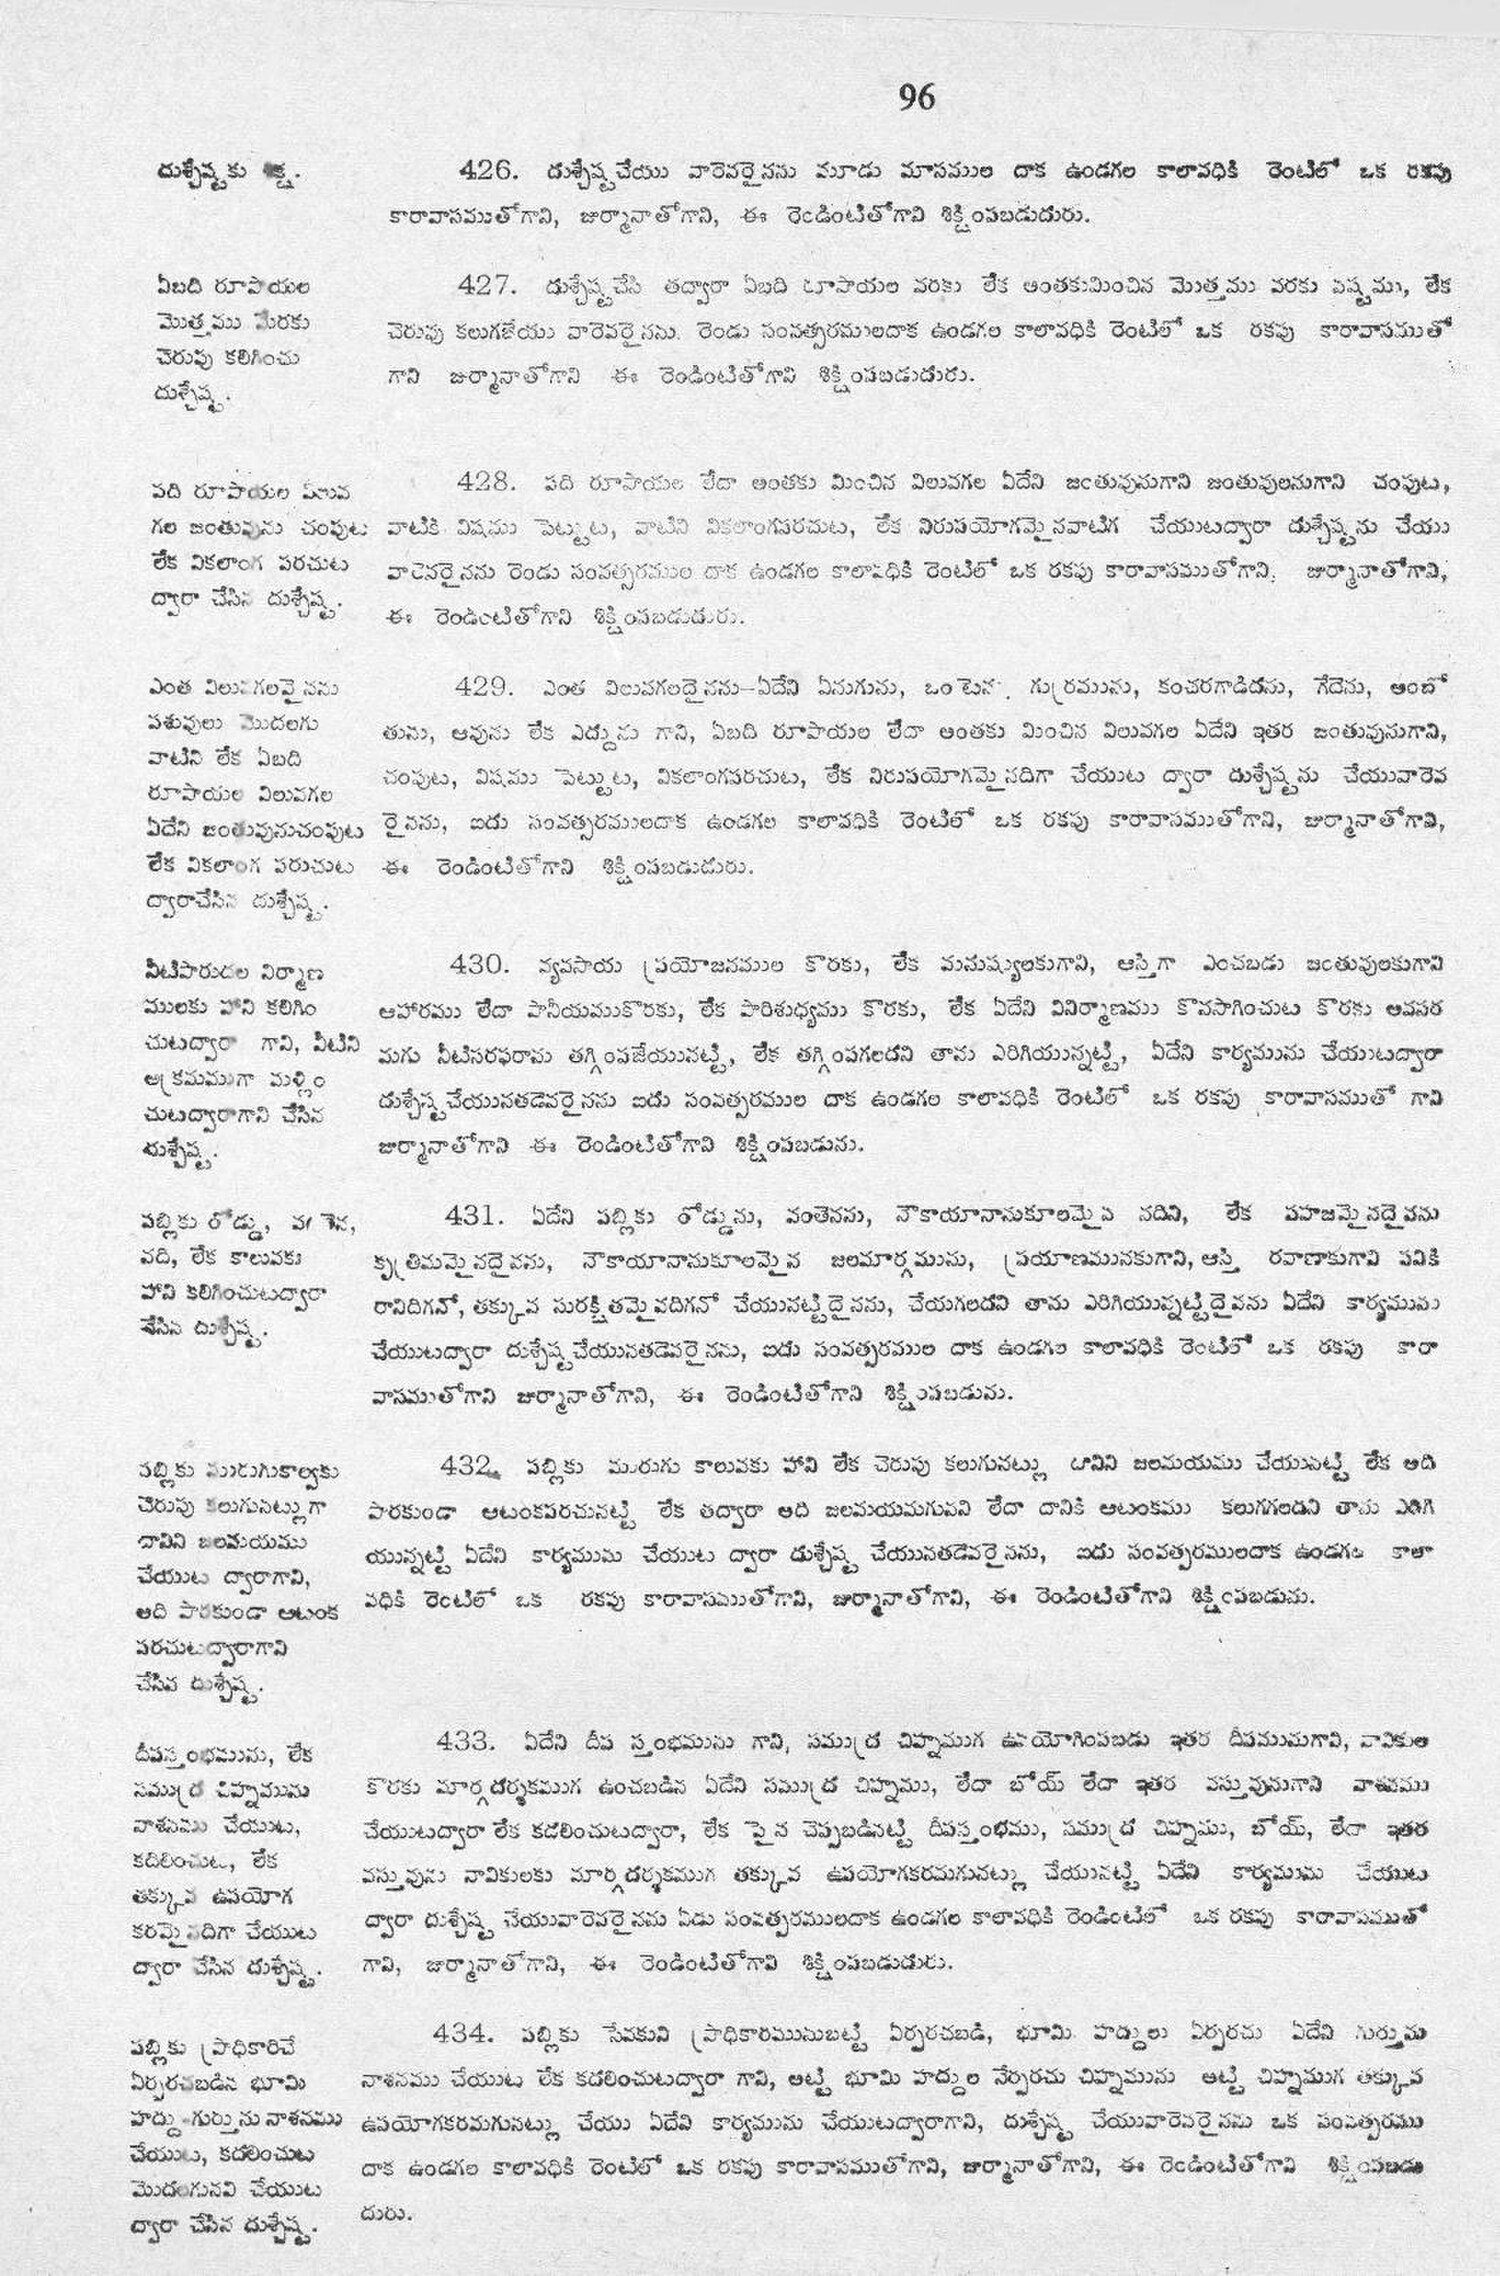దుశ్చేష్టకు శిక్ష.

426. దుశ్చేష్ట చేయు వారెవరైనసు మూడు మాసముల దాక ఉండగల కాలావధికి రెంటిలో ఒక రకపు కారావాసముతో గాని, జుర్మానా తో గాని, ఈ రెండింటితోగాని శిక్షింపబడుదురు.

ఏబది రూపాయల మొత్తము మేరకు చెరుపు కలిగించు దుశ్చేష్ట,

427. దుశ్చేష్ట చేసి తద్వారా ఏబది రూపాయల వరకు లేక అంతకు మించిన మొత్తము వరకు నష్టము, లేక చెరుపు కలుగజేయు వారెవరై నను. రెండు సంవత్సరములదాక ఉండగల కాలావధికి రెంటిలో ఒక రకపు కారావాసముతో గాని జుర్మానాతోగాని ఈ రెండింటితో గాని శిక్షింపబడుదురు.

పది రూపాయల విలువగల జంతువును చంపుట లేక వికలాంగ పరచుట ద్వారా చేసిన దుశ్చేష్ట.

428. పది రూపాయల లేదా అంతకు మించిన విలువగల ఏదేని జంతువునుగాని జంతువులనుగాని చంపుట, వాటికి విషము పెట్టుట, వాటిని వికలాంగపరచుట, లేక నిరుపయోగమై నవాటిగ చేయుట ద్వారా దుశ్చేష్టను చేయువారెవరై నను రెండు సంవత్సరముల దాక ఉండగల కాలావధికి రెంటిలో ఒక రకపు కారావాసముతోగాని, జూర్మానాలోగాని,ఈ రెండింటితో గాని శిక్షింపబడుదురు.

ఎంత విలువ గలవైనను పశువులు మొదలగు వాటిని లేక ఏబది రూపాయల విలువగల ఏదేని జంతువును చంపుట ద్వారా చేసిన దుశ్చేష్ట.

429. ఎంత విలువగలదై నను--ఏదేని ఏనుగును, ఒంటెను, గుర్రమును, కంచరగాడిదను, గేదెను, ఆంబొతును, ఆవును లేక ఎద్దును గాని, ఏబది రూపాయల లేదా అంతకు మించిన విలువగల ఏదేని ఇతర జంతువునుగాని, చంపుట, విషము పెట్టుట, వికలాంగ పరచుట, లేక నిరుపయోగమై నదిగా చేయుట ద్వారా దుశ్చేష్టను చేయువా రెవరైనను, ఐదు సంవత్సరములదాక ఉండగల కాలావధికి రెంటిలో ఒక రకపు కారావాసముతోగాని, జుర్మానాతోగాని, రెండింటితో గాని శిక్షింపబడుదురు.

నీటిపారుదల నిర్మాణములకు హాని కలిగించుట ద్వారా గాని, వీటిని ఆక్రమముగా మల్లించుట ద్వారా గాని చేసిన దుశ్చేష్ట.

430. వ్యవసాయ ప్రయోజనముల కొరకు, లేక మనుష్యులకుగాని, ఆస్తిగా ఎంచబడు జంతువులకుగాని ఆహారము లేదా పానీయముకొరకు, లేక పారిశుధ్యము కొరకు, లేక ఏదేని వినిర్మాణము కొనసాగించుట కొరకు అవసరమగు నీటి సరఫరాను తగ్గింపజేయునట్టి, లేక తగ్గింపగలదని తాను ఎరిగియున్నట్టి, ఏదేని కార్యమును చేయుటద్వారా దుశ్చేష్ట చేయునతడెవరైనను ఐదు సంవత్సరముల దాక ఉండగల కాలావధికి రెంటిలో ఒక రకపు కారావాసముతో గాని జుర్మానాతోగాని ఈ రెండింటితోగాని శిక్షింపబడును.

పబ్లికు రోడ్డు, వంతెన,నది, లేక కాలువకు హాని కలిగించుట ద్వారా వేసిన దుశ్చేష్త,

431. ఏదేని పబ్లికు రోడ్డును, వంతెనను, నౌకాయానానుకూలమైన నదిని, లేక సహజమైనదైనను కృత్రిమమై నదైనను, నౌకాయానానుకూలమైన జలమార్గమును, ప్రయాణమునకుగాని, ఆస్తి రవాణాకుగాని పనికి రానిదిగనో, తక్కువ సురక్షితమై నదిగనో చేయునట్టిదైనను, చేయగలదని తాను ఎరిగియున్నట్టి దైనను ఏదేని కార్యమును చేయుట ద్వారా దుశ్చేష్ట చేయునతడెవరైనను, ఐదు సంవత్సరముల దాక ఉండగల కాలావధికి రెంటిలో ఒక రకపు కారావాసముతో గాని జుర్మానా తోగాని, ఈ రెండింటితోగాని శిక్షింపబడును.

పబ్లికు మురుగుకాల్వకు చెరుపు కలుగునట్లుగా దానిని జలమయము చేయుట ద్వారా గాని, ఆది పారకుండా ఆటంకపరచుట ద్వారాగాని
చేసిన దుశ్చేష్ట.

432, పబ్లికు మురుగు కాలువకు హాని లేక చెరుపు కలుగునట్లు దానిని జలమయము చేయునట్టి లేక అది పారకుండా ఆటంకపరచునట్టి లేక తద్వారా అది జలమయమగునని లేదా దానికి ఆటంకము కలుగగలదని తాను ఎరిగి యున్నట్టి ఏదేని కార్యమును చేయుట ద్వారా దుశ్చేష్ట చేయునతడెవరైనను, ఐదు సంవత్సరములదాక ఉండగల కాలావధికి రెంటిలో ఒక రకపు కారావాసముతోగాని, జుర్మానాలోగాని, ఈ రెండింటితోగాని శిక్షింపబడును.

దీపస్తంభమును, లేక సముద్ర చిహ్నమును నాశనము చేయుట, కదిలించుట, లేక తక్కువ ఉపయోగకరమైనదిగా చేయుట ద్వారా చేసిన దుశ్చేష్ట.

433. ఏదేని దీప స్తంభమును గాని, సముద్ర చిహ్నముగ ఉపయోగింపబడు ఇతర దీపమునుగాని, నావికుల కొరకు మార్గదర్శకముగ ఉంచబడిన ఏదేని సముద్ర చిహ్నము, లేదా బోయ్ లేదా ఇతర వస్తువునుగాని నాశనము చేయుటద్వారా లేక కదలించుట ద్వారా, లేక పైన చెప్పబడినట్టి దీపస్తంభము, సముద్ర చిహ్నము, బోయ్, లేదా ఇతర వస్తువును నావికులకు మార్గదర్శకముగ తక్కువ ఉపయోగకరమగునట్లు చేయునట్టి ఏదేని కార్యమును చేయుట ద్వారా దుశ్చేష్ట చేయువా రెవరైనను ఏడు సంవత్సరములదాక ఉండగల కాలావధికి రెండింటిలో ఒక రకపు కారావాసముతో గాని, జుర్మానా తో గాని, ఈ రెండింటితోగాని శిక్షింపబడుదురు,

పబ్లికు ప్రాధికారిచే ఏర్పరచబడిన భూమి హద్దు గుర్తును నాశనము చేయుట, కదలించుట మొదలగునవి చేయుట ద్వారా చేసిన దుశ్చేష్ట.

434. పబ్లికు సేవకుని ప్రాధికారమునుబట్టి ఏర్పరచబడి, భూమి హద్దులు ఏర్పరచు ఏదేని గుర్తును నాశనము చేయుట లేక కదలించుట ద్వారా గాని, అట్టి భూమి హద్దుల నేర్పరచు చిహ్నమును అట్టి చిహ్నముగ తక్కువ ఉపయోగకరమగునట్లు చేయు ఏదేని కార్యమును చేయుటద్వారాగాని, దుశ్చేష్ట చేయువారెవరై నను ఒక సంవత్సరము దాక ఉండగల కాలావధికి రెంటిలో ఒక రకపు కారావాసముతో గాని, జుర్మానాతోగాని, ఈ రెండింటిలోగాని శిక్షింపబడుదురు.